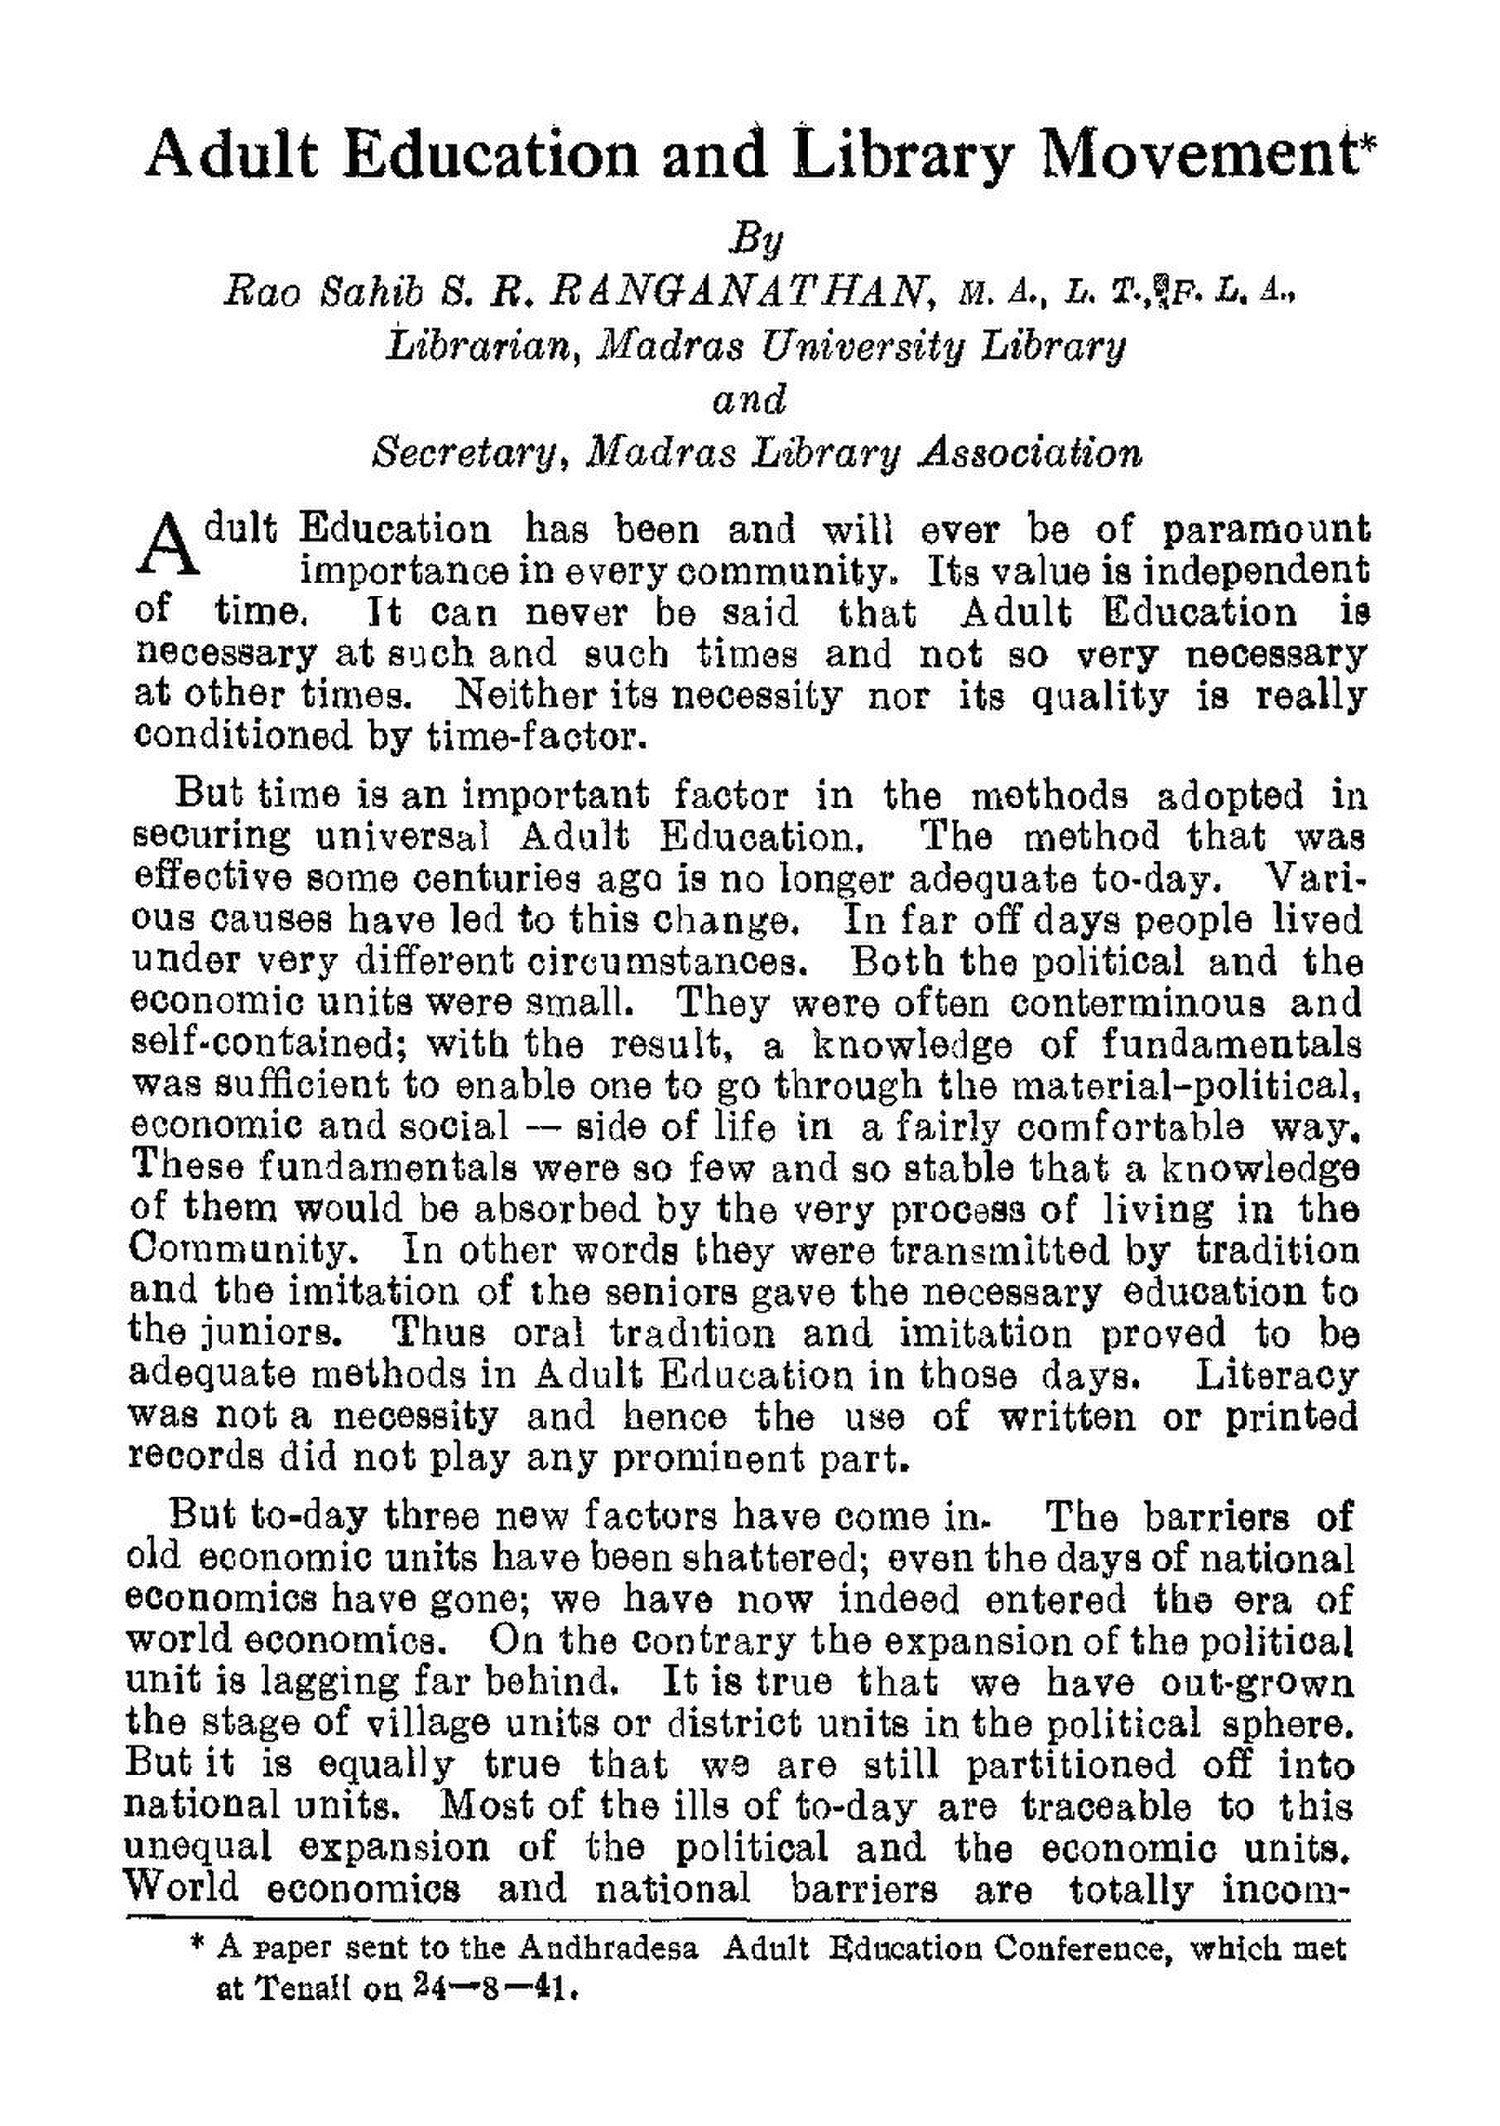Adult Education has been and will ever be of paramount importance in every community. Its value is independent
of time. It can never be said that Adult Education is necessary at such and such times and not so very necessary
at other times. Neither its necessity nor its quality is really conditioned by time-factor.

But time is an important factor in the methods adopted in securing universal Adult Education. The method that was
effective some centuries ago is no longer adequate to-day. Various causes have led to this change. In far off days people lived under very different circumstances. Both the political and the economic units were small. They were often conterminous and self-contained; with the result, a knowledge of fundamentals was sufficient to enable one 
to go through the material-political, economic and social side of life in a fairly comfortable way. These fundamentals were so few and so stable that a knowledge of them would be absorbed by the very process of living 
in the Community. In other words they were transmitted by tradition and the imitation of the seniors gave the necessary education to the juniors. Thus oral tradition and imitation proved to be adequate methods in Adult Education in those days. Literacy was not a necessity and hence the use of written or printed records did not 
play any prominent part.

But to-day three new factors have come in. The barriers of old economic units have been shattered; even the days 
of national economics have gone; we have now indeed entered the era of world economics. On the contrary the expansion of the political unit is lagging far behind. It is true that we have out-grown the stage of village 
units or district units in the political sphere. But it is equally true that we are still partitioned off into
national units. Most of the ills of to-day are traceable to this unequal expansion of the political and the economic units. World economics and national barriers are totally incom-